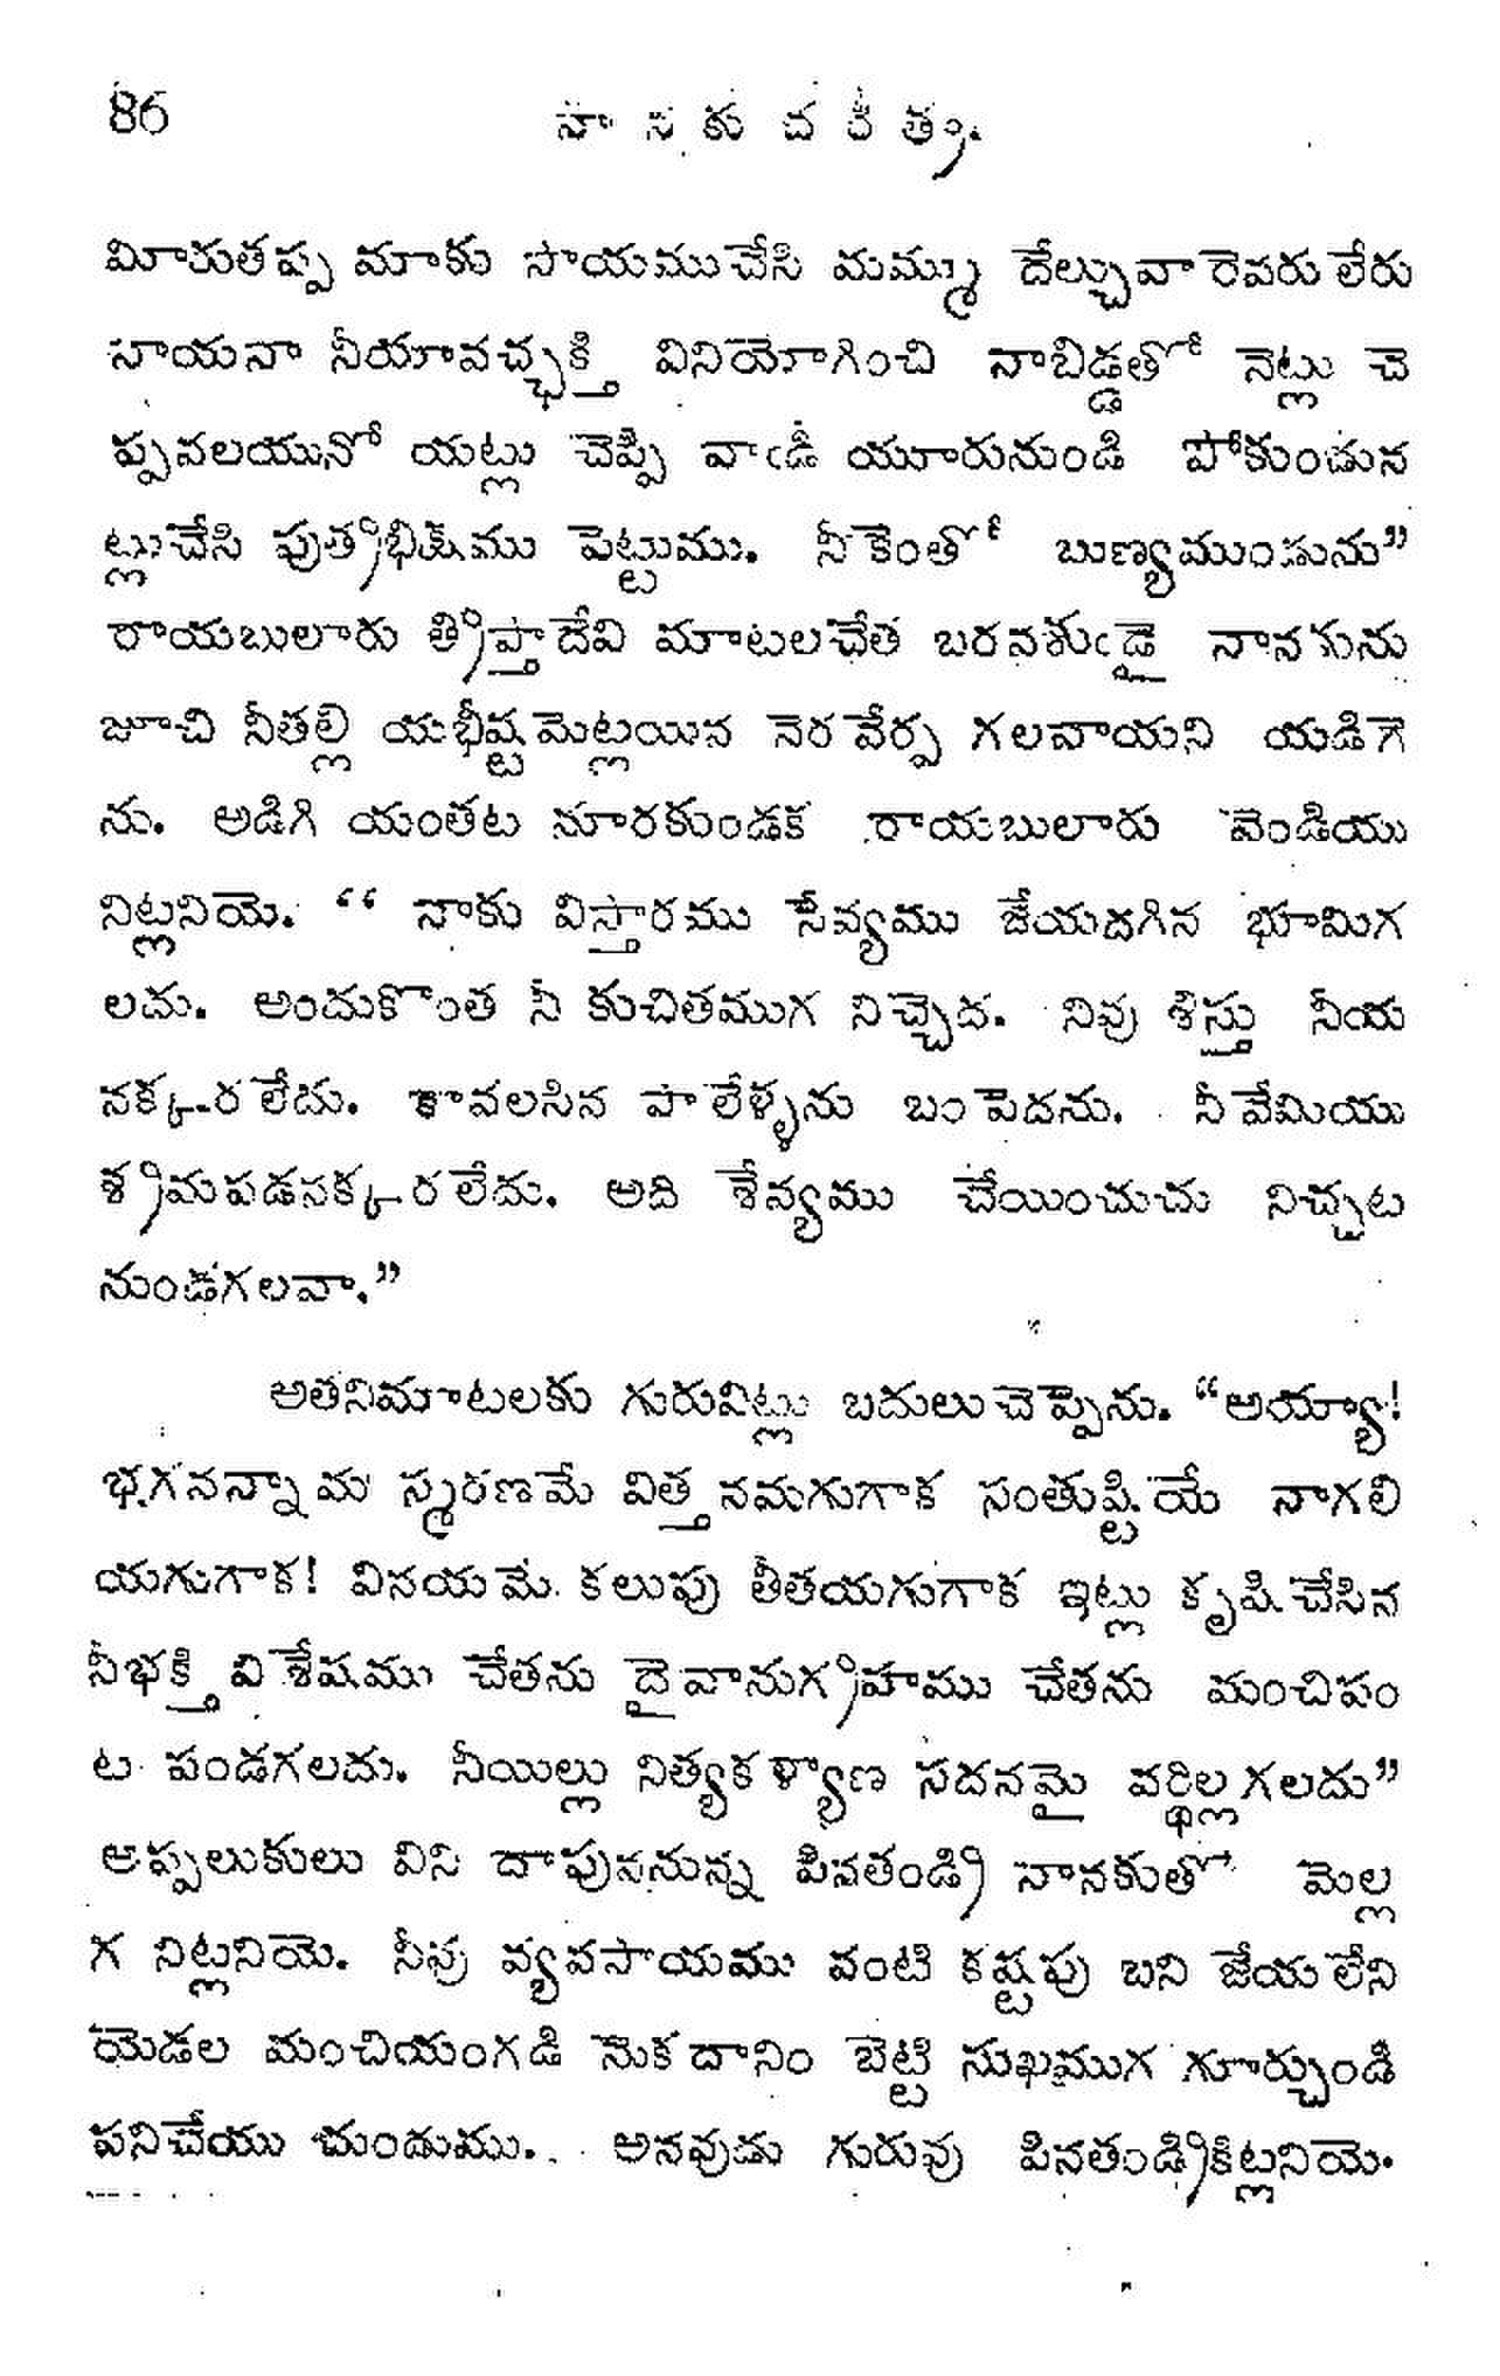మీరుతప్పక మాకు సాయముచేసి మమ్ము దేల్చువారెవరులేరు నాయనా నీయావచ్ఛక్తి వినియోగించి నాబిడ్డతో నెట్లు చెప్పవలయునో యట్లు చెప్పి వాడీ యూరునుండి పోకుండునట్లుచేసి పుత్రభిక్షము పెట్టుము. నీకెంతో బుణ్యముండును" రాయబులారు త్రిప్తాదేవి మాటలచేత బరవశుడై నానకును జూచి నీతల్లి యభీష్టమెట్లయిన నెరవేర్ప గలవాయని యడిగెను, అడిగి యంతట నూరకుండక రాయబులారు వెండియు నిట్లనియె. "నాకు విస్తారము సేవ్యము జేయదగిన భూమిగలదు. అందుకొంత నీ కుచితముగ నిచ్చెద. నీవు శిస్తు నీయనక్కరలేదు. కావలసిన పాలేళ్ళను బంపెదను. నీవేమియు శ్రమపడనక్కరలేదు. అది శేవ్యము చేయించుచు నిచ్చట నుండగలవా."

అతనిమాటలకు గురువిట్లు బదులు చెప్పెను. "అయ్యా! భగవన్నామ స్మరణమే విత్తన మగుగాక సంతుష్టియే నాగలి యగుగాక! వినయమే కలుపు తీతయగుగాక ఇట్లు కృషిచేసిన నీభక్తివిశేషము చేతను దైవానుగ్రహము చేతను మంచిపంట పండగలదు. నీయిల్లు నిత్యకళ్యాణ సదనమై వర్థిల్లగలదు" అప్పలుకులు విని దాపుననున్న పినతండ్రి నానకుతో మెల్లగ నిట్లనియె. నీవు వ్యవసాయము వంటి కష్టపు బని జేయలేని యెడల మంచియంగడి నొకదానిం బెట్టి సుఖముగ గూర్చుండి పనిచేయు చుండుము. అనవుడు గురువు పినతండ్రికిట్లనియె.